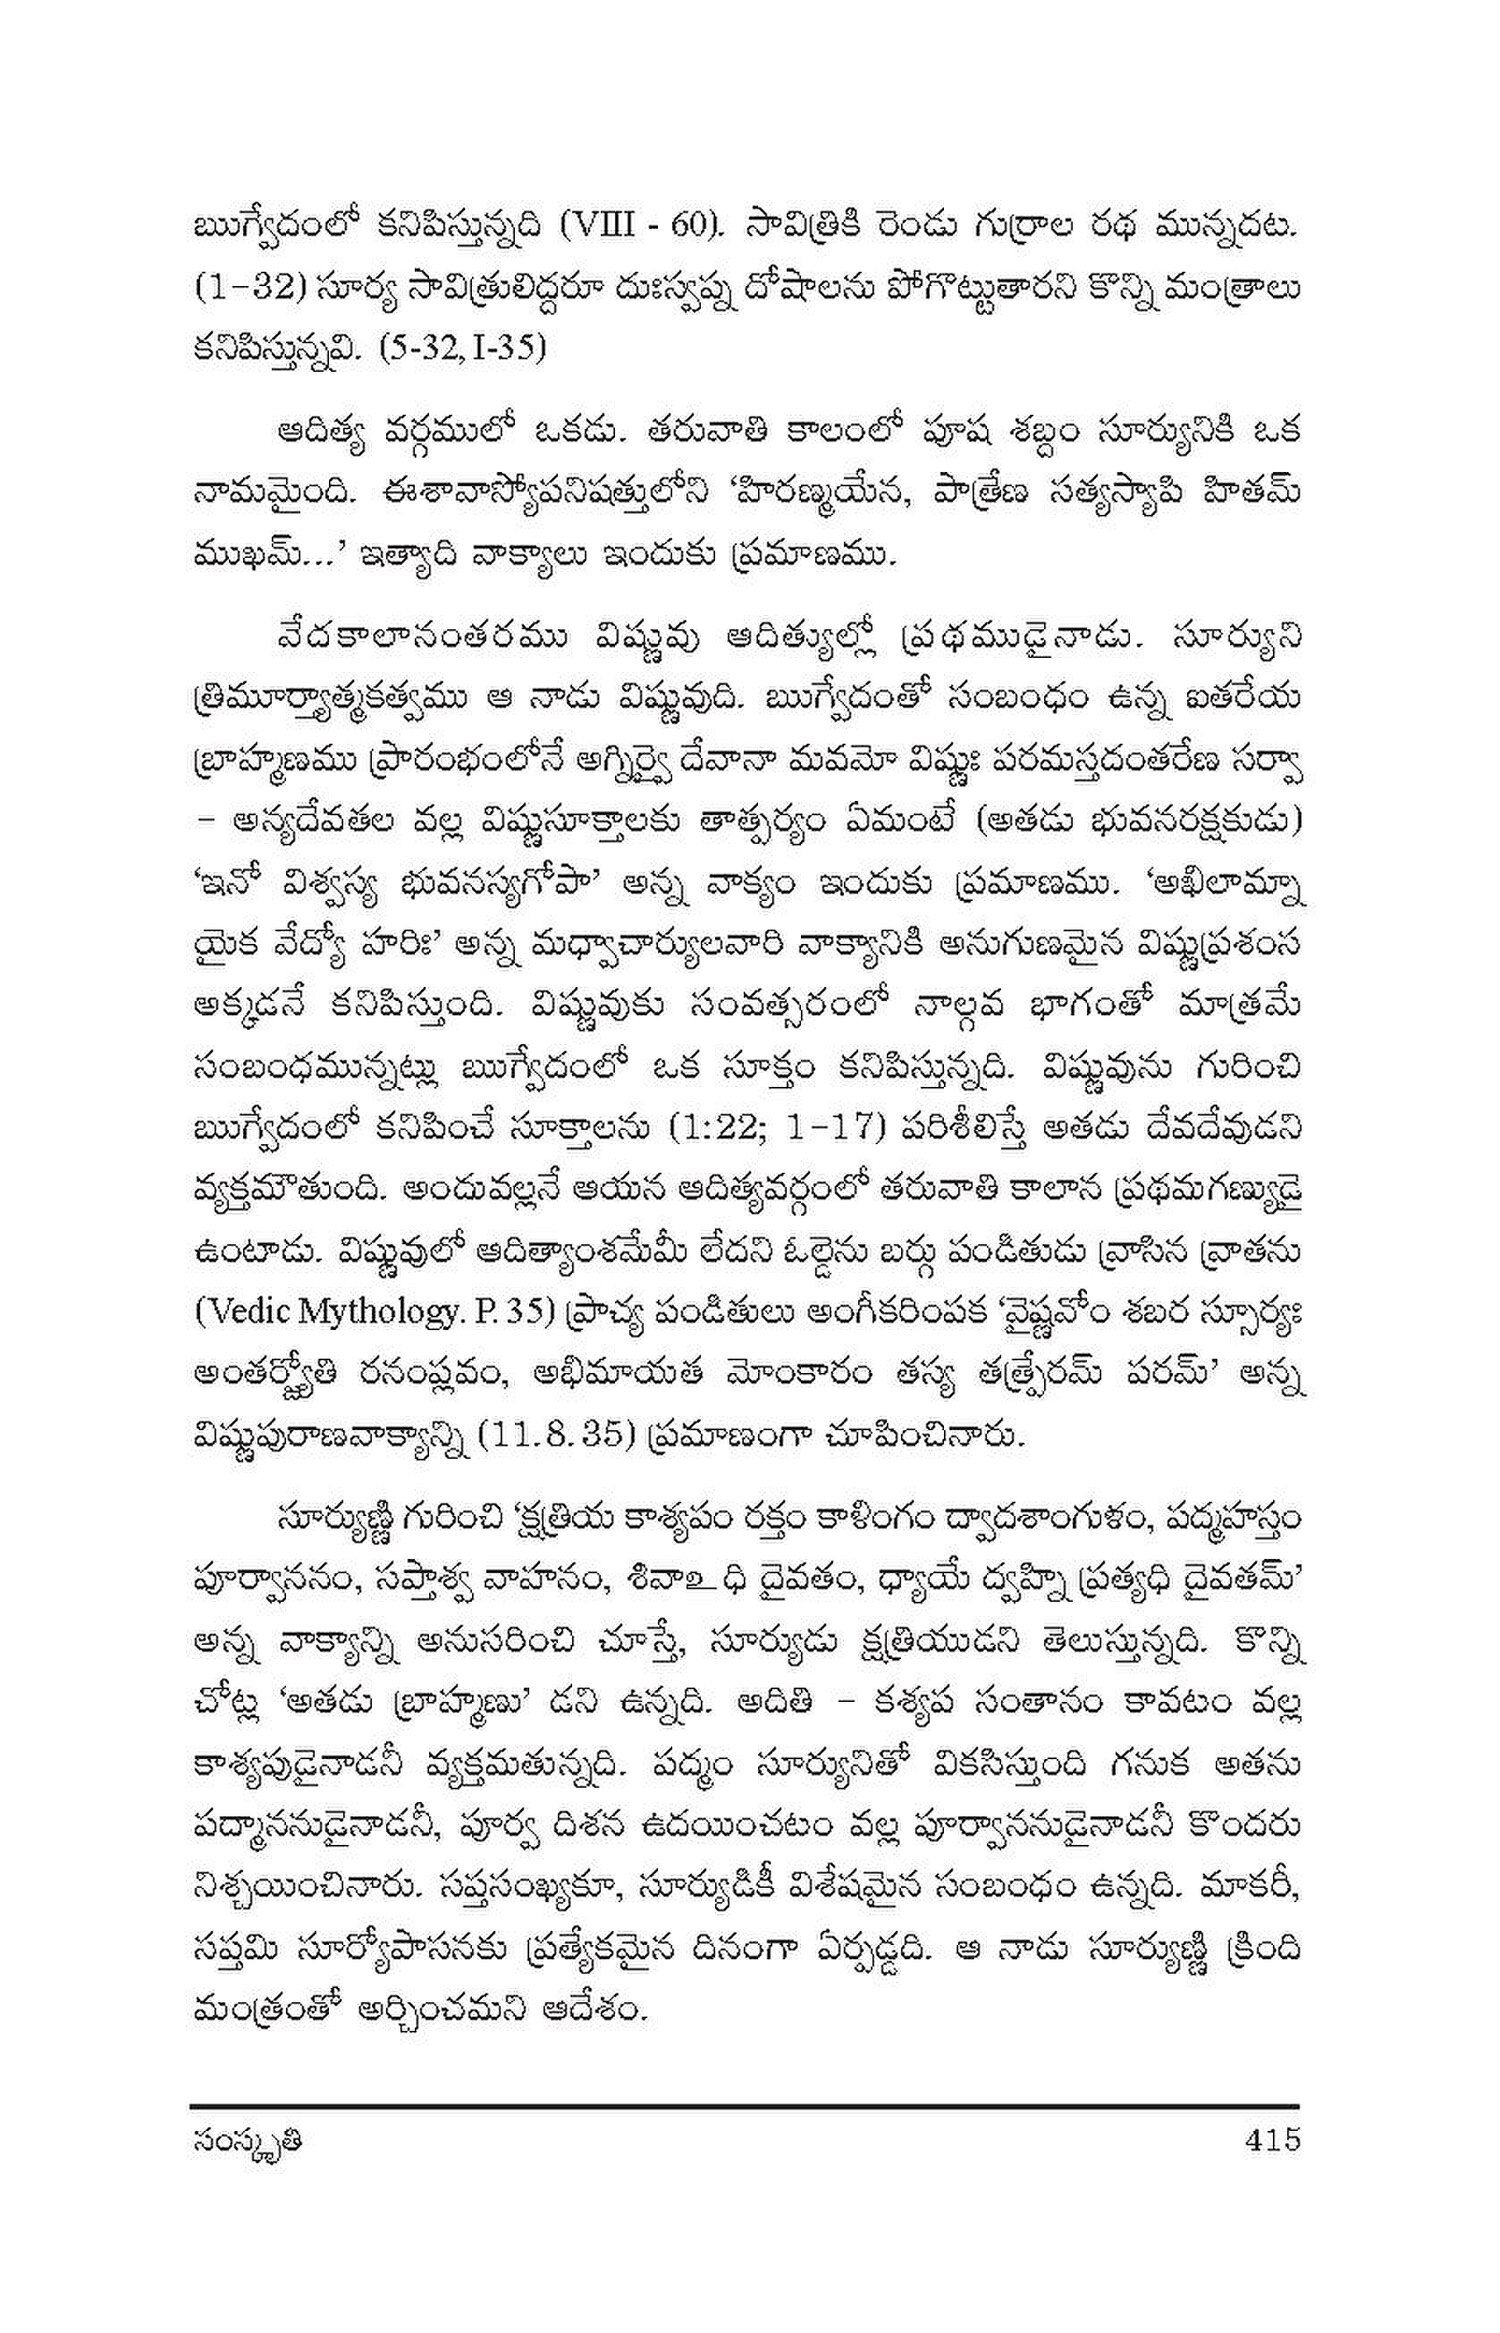ఋగ్వేదంలో కనిపిస్తున్నది (VIII -60). సావిత్రికి రెండు గుర్రాల రథ మున్నదట.
(1-32) సూర్య సావిత్రులిద్దరూ దుఃస్వప్న దోషాలను పోగొట్టుతారని కొన్ని మంత్రాలు
కనిపిస్తున్నవి. (5-32, I-35)

ఆదిత్య వర్గములో ఒకడు. తరువాతి కాలంలో పూష శబ్దం సూర్యునికి ఒక
నామమైంది. ఈశావాస్యోపనిషత్తులోని 'హిరణ్మయేన, పాత్రేణ సత్యస్యాపి హితమ్
ముఖమ్...' ఇత్యాది వాక్యాలు ఇందుకు ప్రమాణము.

వేదకాలానంతరము విష్ణువు ఆదిత్యుల్లో ప్రథముడైనాడు. సూర్యుని
త్రిమూర్త్యాత్మకత్వము ఆ నాడు విష్ణువుది. ఋగ్వేదంతో సంబంధం ఉన్న ఐతరేయ
బ్రాహ్మణము ప్రారంభంలోనే అగ్నిర్వై దేవానా మనమో విష్ణుః పరమస్తదంతరేణ సర్వా -
అన్యదేవతల వల్ల విష్ణుసూక్తాలకు తాత్పర్యం ఏమంటే (అతడు భువనరక్షకుడు)
'ఇనో విశ్వస్య భువనస్యగోపా' అన్న వాక్యం ఇందుకు ప్రమాణము. 'అఖిలామ్నా
యైక వేద్యో హరిః' అన్న మధ్వాచార్యులవారి వాక్యానికి అనుగుణమైన విష్ణుప్రశంస
అక్కడనే కనిపిస్తుంది. విష్ణువుకు సంవత్సరంలో నాల్గవ భాగంతో మాత్రమే
సంబంధమున్నట్లు ఋగ్వేదంలో ఒక సూక్తం కనిపిస్తున్నది. విష్ణువును గురించి
ఋగ్వేదంలో కనిపించే సూక్తాలను (1:22; 1-17) పరిశీలిస్తే అతడు దేవదేవుడని
వ్యక్తమౌతుంది. అందువల్లనే ఆయన ఆదిత్యవర్గంలో తరువాతి కాలాన ప్రథమగణ్యుడై
ఉంటాడు. విష్ణువులో ఆదిత్యాంశమేమీ లేదని ఓల్డెను బర్గు పండితుడు వ్రాసిన వ్రాతను
(Vedic Mythology. P. 35) ప్రాచ్య పండితులు అంగీకరింపక 'వైష్ణవోం శబర స్సూర్యః
అంతర్జ్యోతి రనంప్లవం, అభిమాయత మోంకారం తస్య తత్ప్రేరమ్ పరమ్' అన్న
విష్ణుపురాణవాక్యాన్ని (11.8.35) ప్రమాణంగా చూపించినారు.

సూర్యుణ్ణి గురించి 'క్షత్రియ కాశ్యపం రక్తం కాళింగం ద్వాదశాంగుళం, పద్మహస్తం
పూర్వాననం, సప్తాశ్వ వాహనం, శివా౽ధి దైవతం, ధ్యాయే ద్వహ్ని ప్రత్యధి దైవతమ్'
అన్న వాక్యాన్ని అనుసరించి చూస్తే, సూర్యుడు క్షత్రియుడని తెలుస్తున్నది. కొన్ని
చోట్ల 'అతడు బ్రాహ్మణు' డని ఉన్నది. అదితి - కశ్యప సంతానం కావటం వల్ల
కాశ్యపుడైనాడనీ వ్యక్తమతున్నది. పద్మం సూర్యునితో వికసిస్తుంది గనుక అతను
పద్మాననుడైనాడనీ, పూర్వ దిశన ఉదయించటం వల్ల పూర్వాననుడైనాడనీ కొందరు
నిశ్చయించినారు. సప్తసంఖ్యకూ, సూర్యుడికీ విశేషమైన సంబంధం ఉన్నది. మాకరీ,
సప్తమి సూర్యోపాసనకు ప్రత్యేకమైన దినంగా ఏర్పడ్డది. ఆ నాడు సూర్యుణ్ణి క్రింది
మంత్రంతో అర్చించమని ఆదేశం.